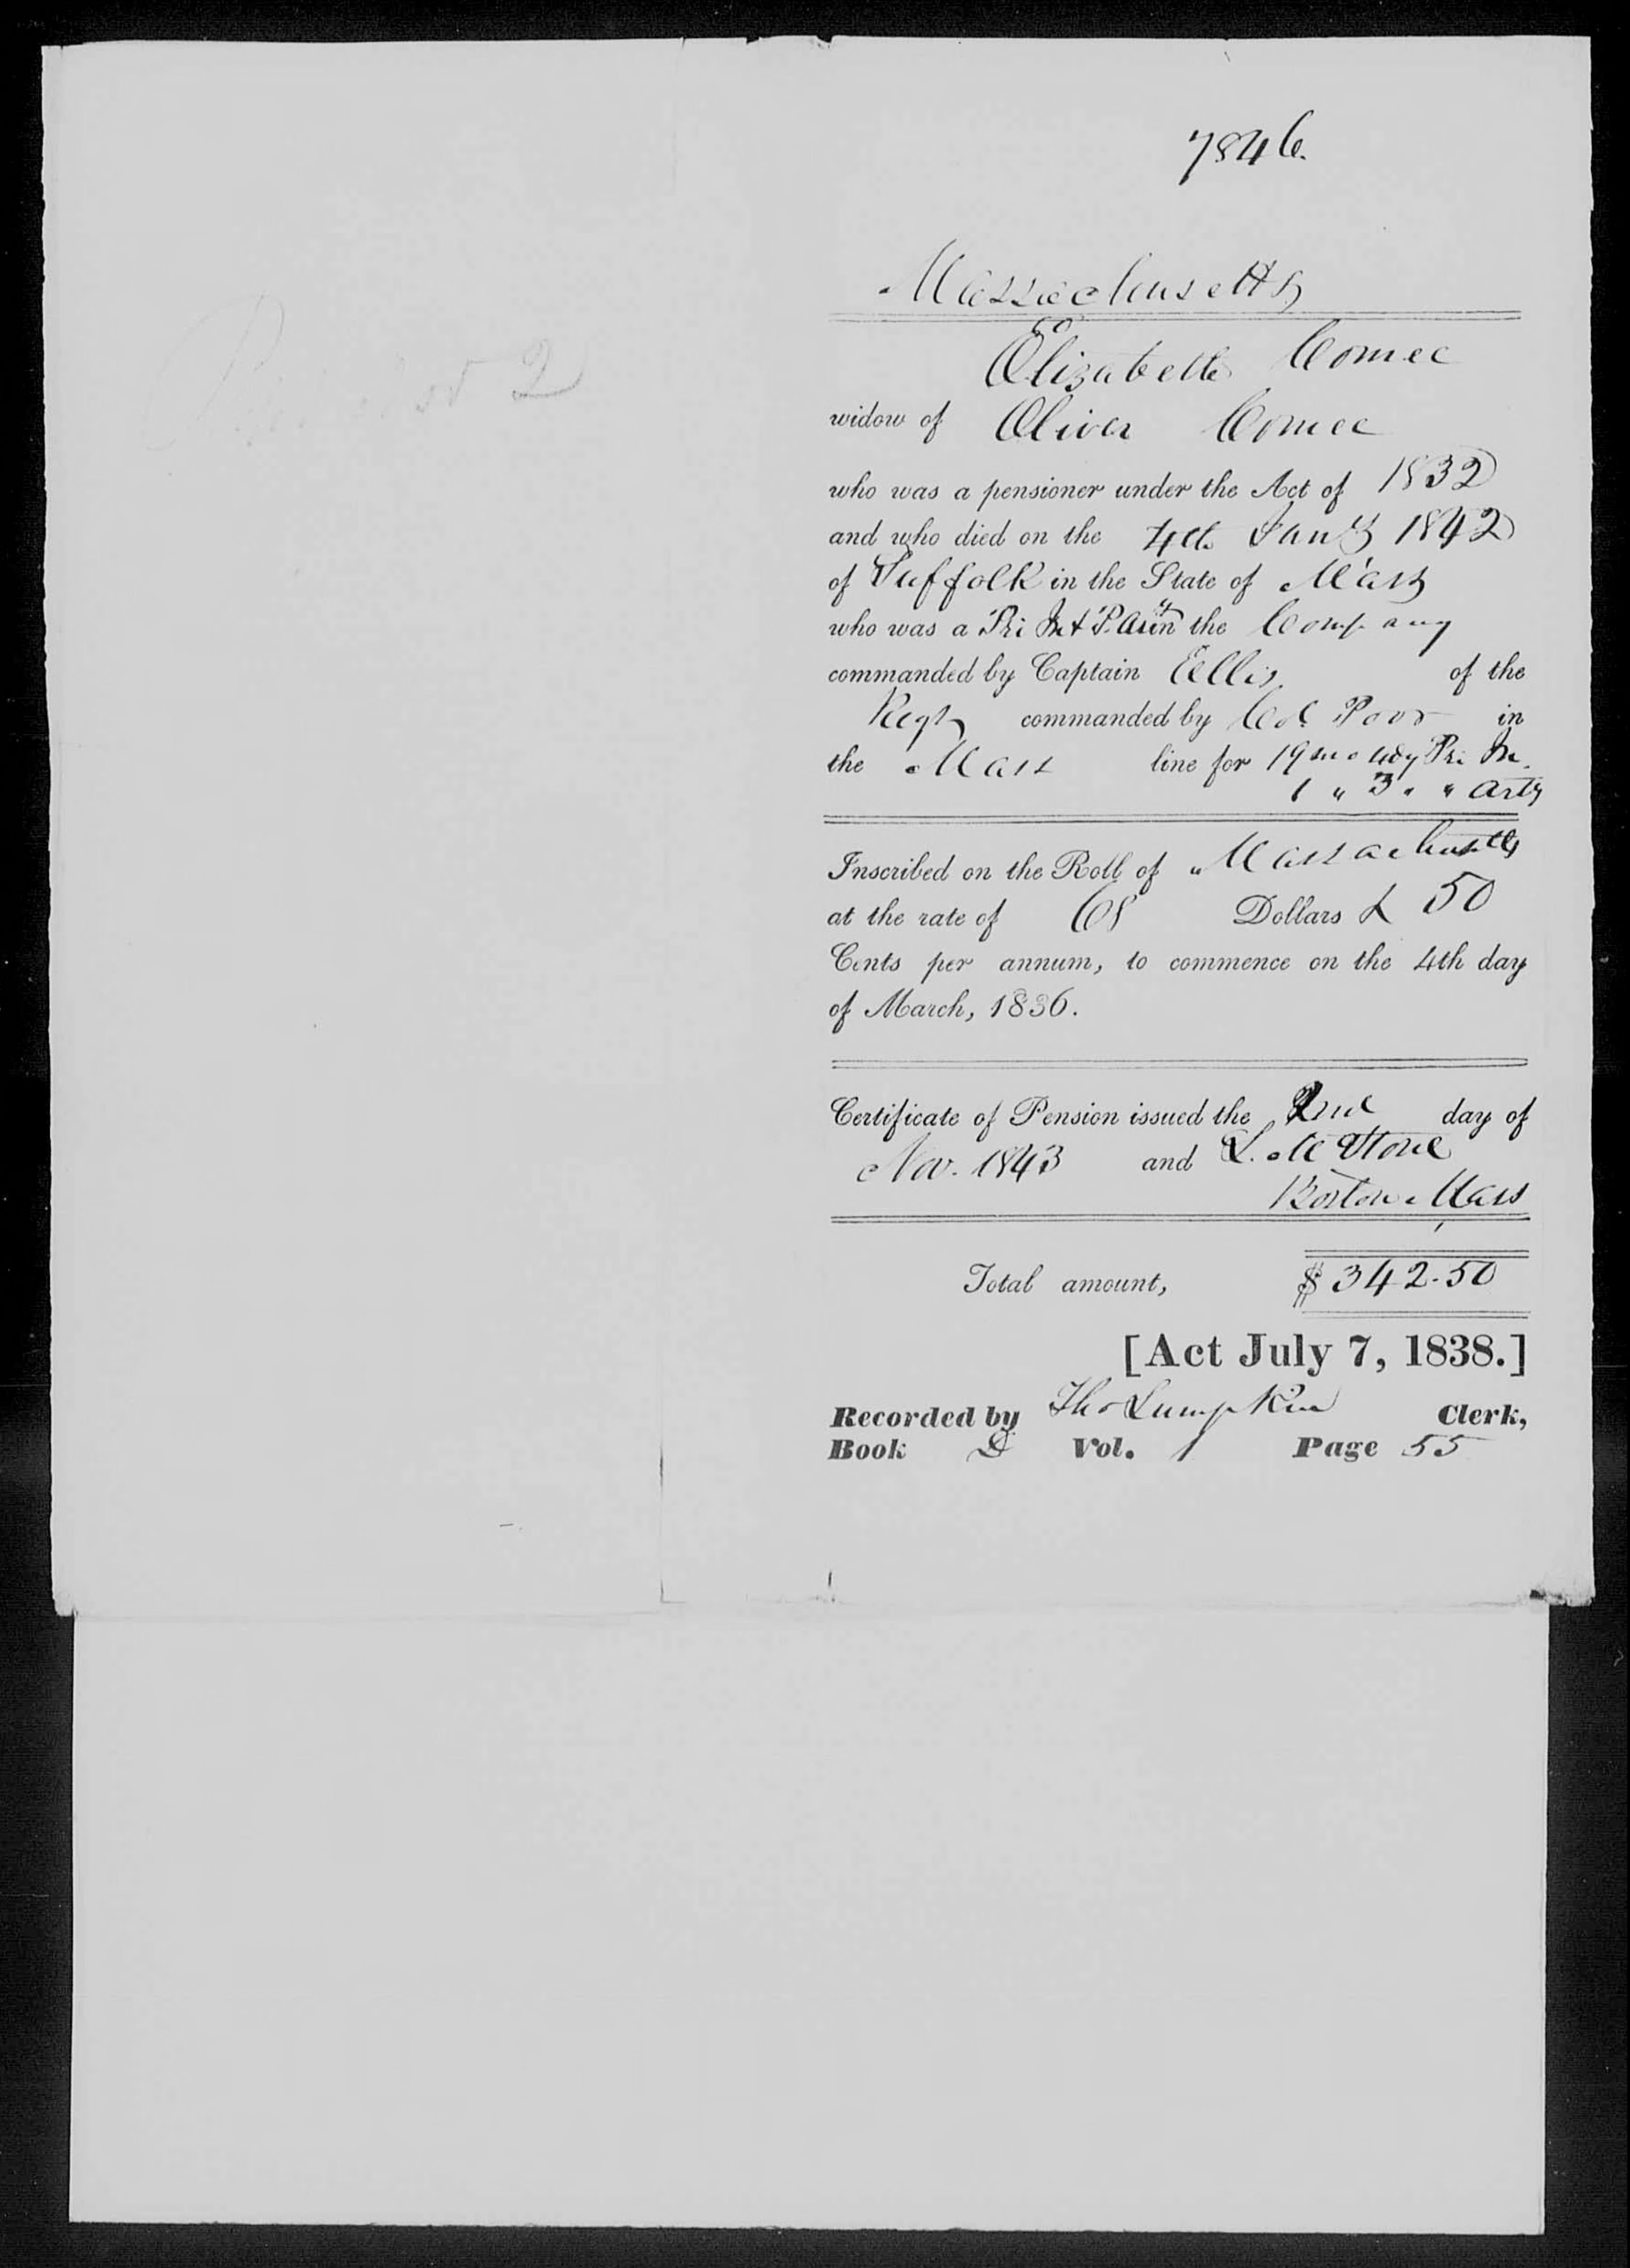7846. 
Massachusetts
————- 
Elizabeth Comee
widow of Oliver Comee
who was a pensioner under the Act of 1832 and who died on the 4th Jany 1842 of Suffolk in the State of Mass who was a Pri In + P. Art in the Company commanded by Captain Ellis of the Regt commanded by Col Poor in the Mass line for 
19mo 4dy Pri. In.
 1 "       3."   “ Arty 
———-
Inscribed on the Roll of Massachuseth at the rate of 68 Dollars + 50 Cents per annum, to commence on the 4th day of March, 1836.
———-
Certificate of Pension issued the 2nd day of Nov. 1843 and [illegible] Boston Mass
———-
Total amount, $342.50
———-
[Act July 7, 1838.]

Recorded by Tho Lumpkin Clerk, 
Book A Vol. / Page 55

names: Oliver Comee, Ellis, L M Stone, Elizabeth Comee, Tho Lumpkin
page: 18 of 45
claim: widow's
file: W. 14,567, Oliver Comee, Mass.